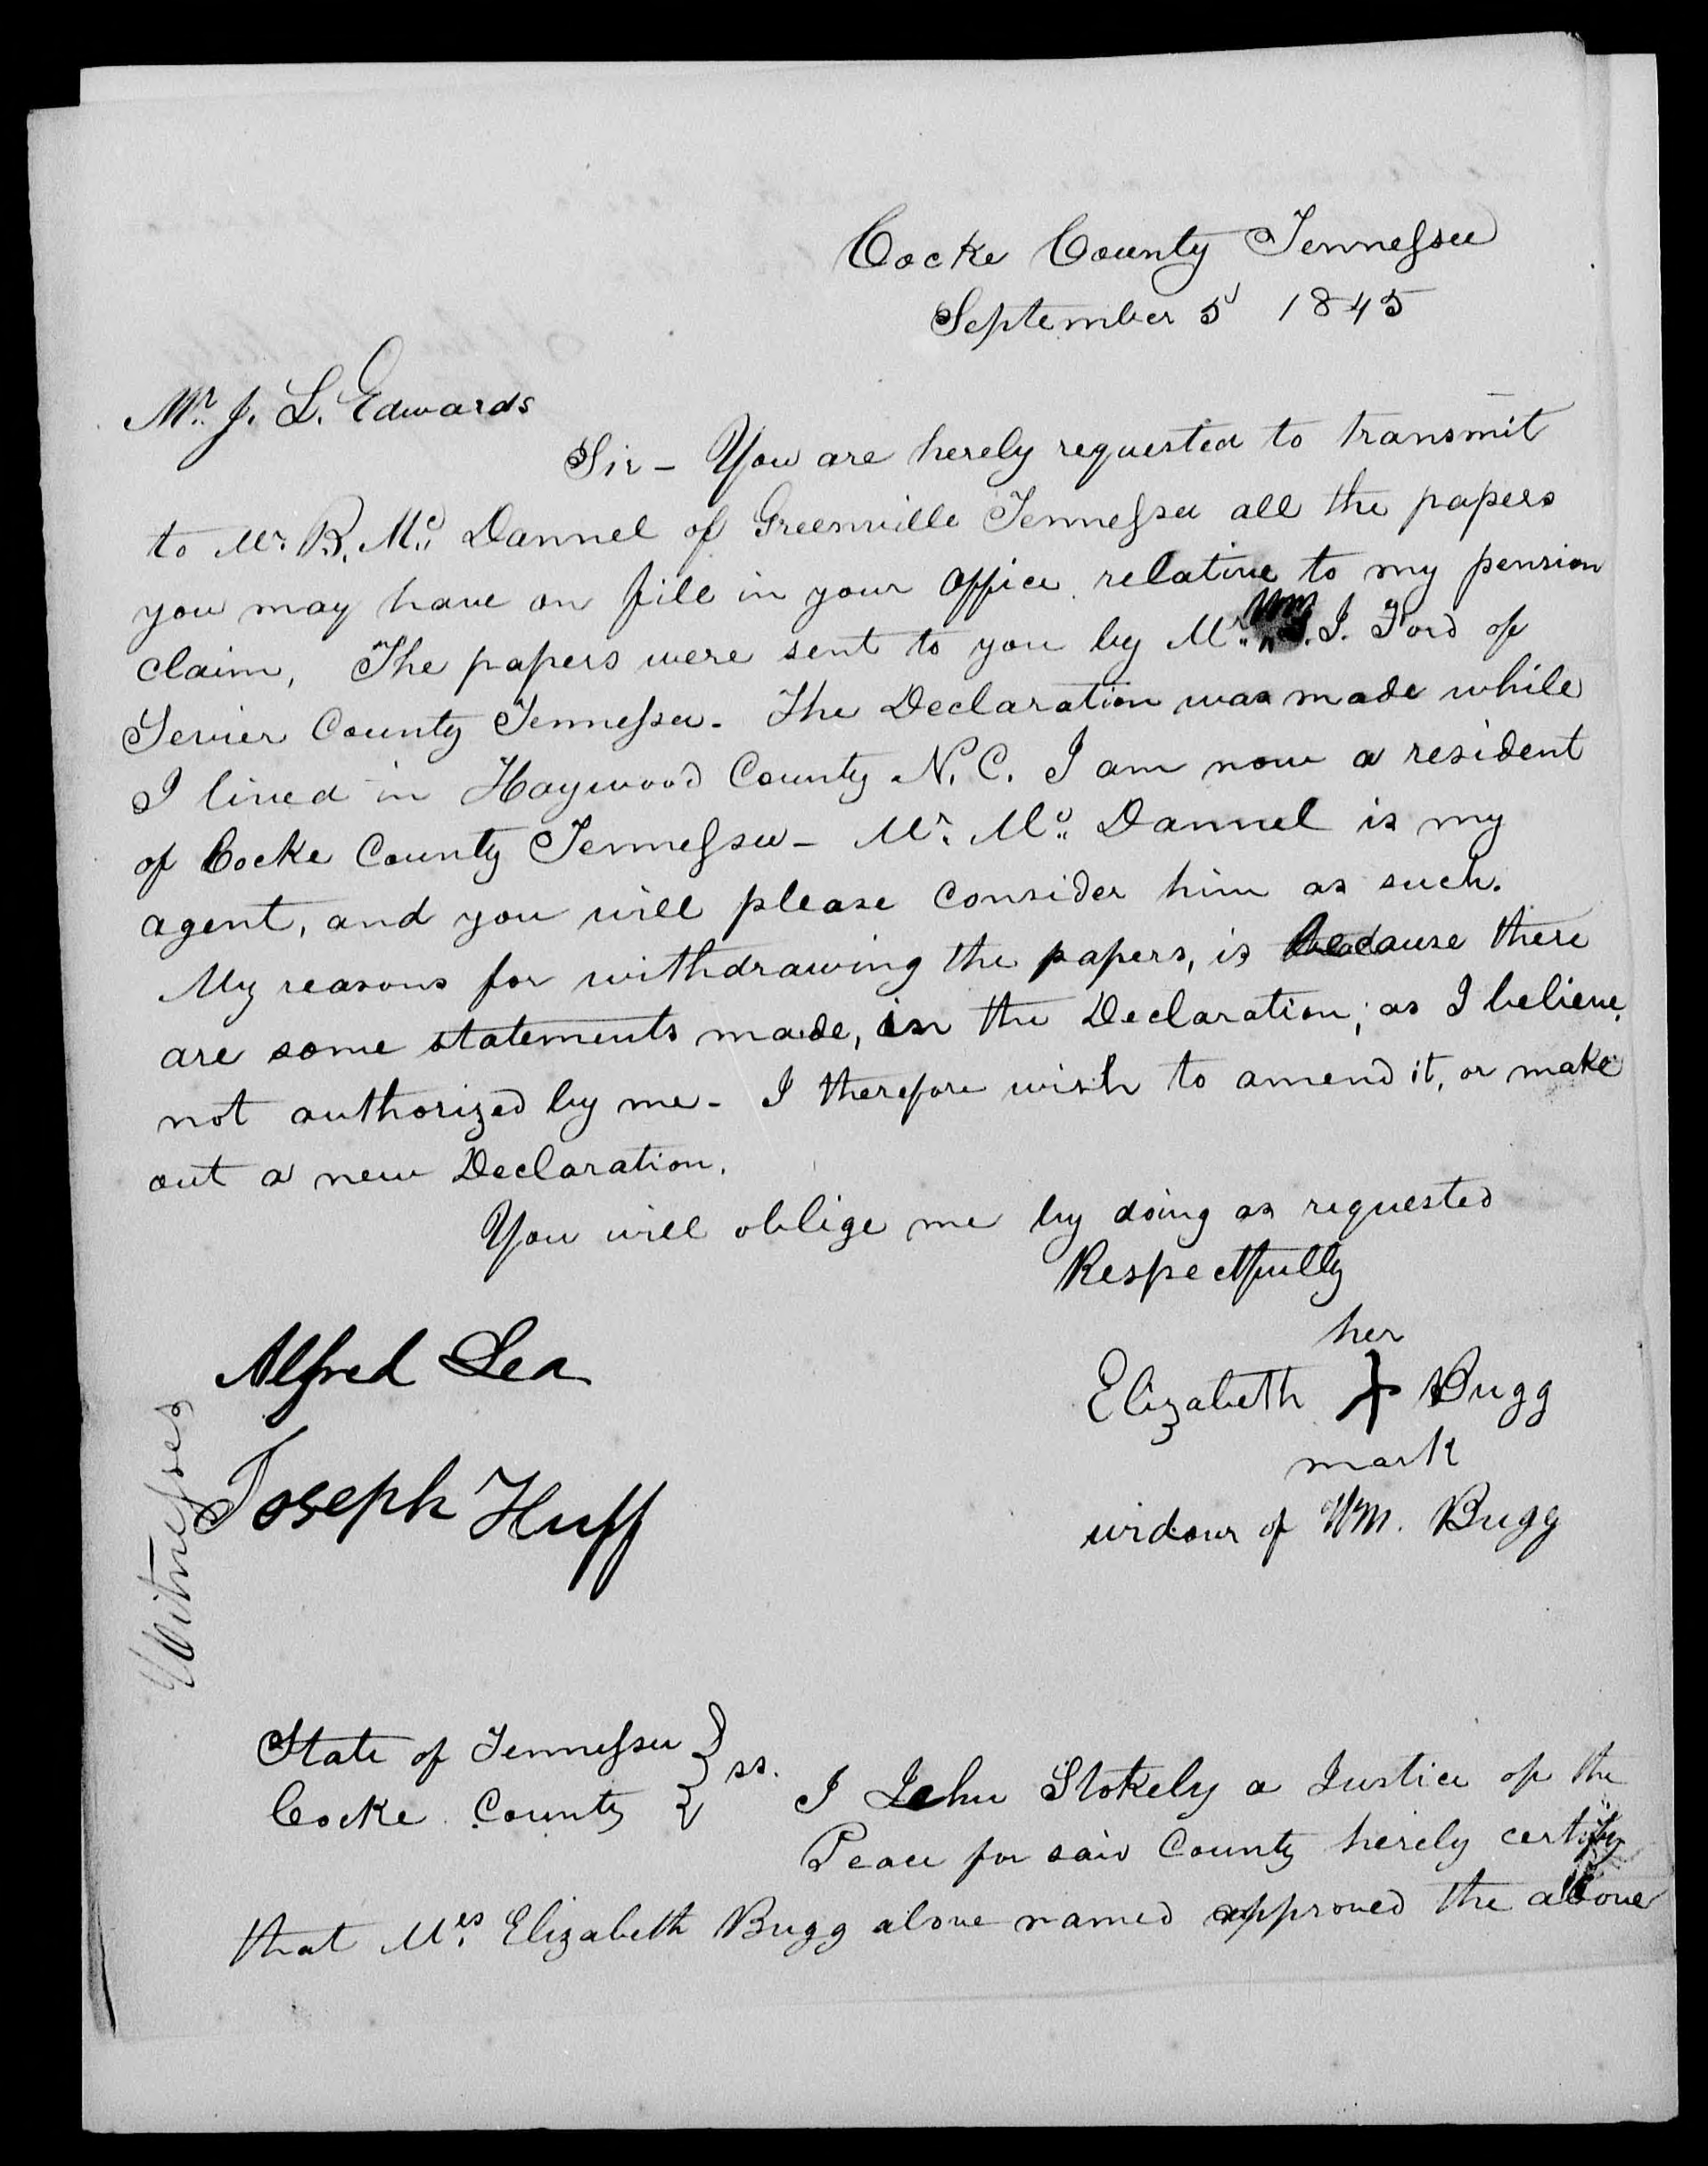Cocke County Tennessee
September 5 1845

Mr. J. L. Edwards

Sir - You are hereby requested to transmit to Mr. B. McDannel of Greenville Tennessee all the papers you may have on file in your office. relative to my pension claim,  The papers were sent to you by Mr. [blotted letters, possibly Wm or Wm I.] J. Ford of Sevier County Tennessee.  The Declaration was made while I lived in Haywood County N.C.  I am now a resident of Cocke County Tennessee -  Mr. McDannel is my agent, and you will please consider him as such.  My reasons for withdrawing the papers, is [here the next word was overwritten, but appears to be] because there are some statements made, in the Declaration, as I believe. not authorized by me.  I therefore wish to amend it, or make out a new Declaration.

You will oblige me by doing as requested
Respectfully
Elizabeth [her X or t mark] Bugg 
widow of Wm. Bugg

[To the left appear in darker ink, names of two witnesses:] Alfred Lea [or Lee] [and] Joseph Huff [with the word "Witnesses" written in lighter ink perpendicularly on the left lower side of the page near the names.]

State of Tennessee}
Cocke County} ss.  I John [or Jehu] Stokely a Justice of the Peace for said County hereby certify that Mrs. Elizabeth Bugg above named approved the above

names: J L Edwards, Elizabeth Bugg, B Mc Dannel, Jehu Stokely, Wm Bugg, Wm S J Ford, Alfred Lea, Mc Dannel, Joseph Huff, Elizabeth Bugg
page: 30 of 50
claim: widow's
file: W. 898, William Bugg, N.C.